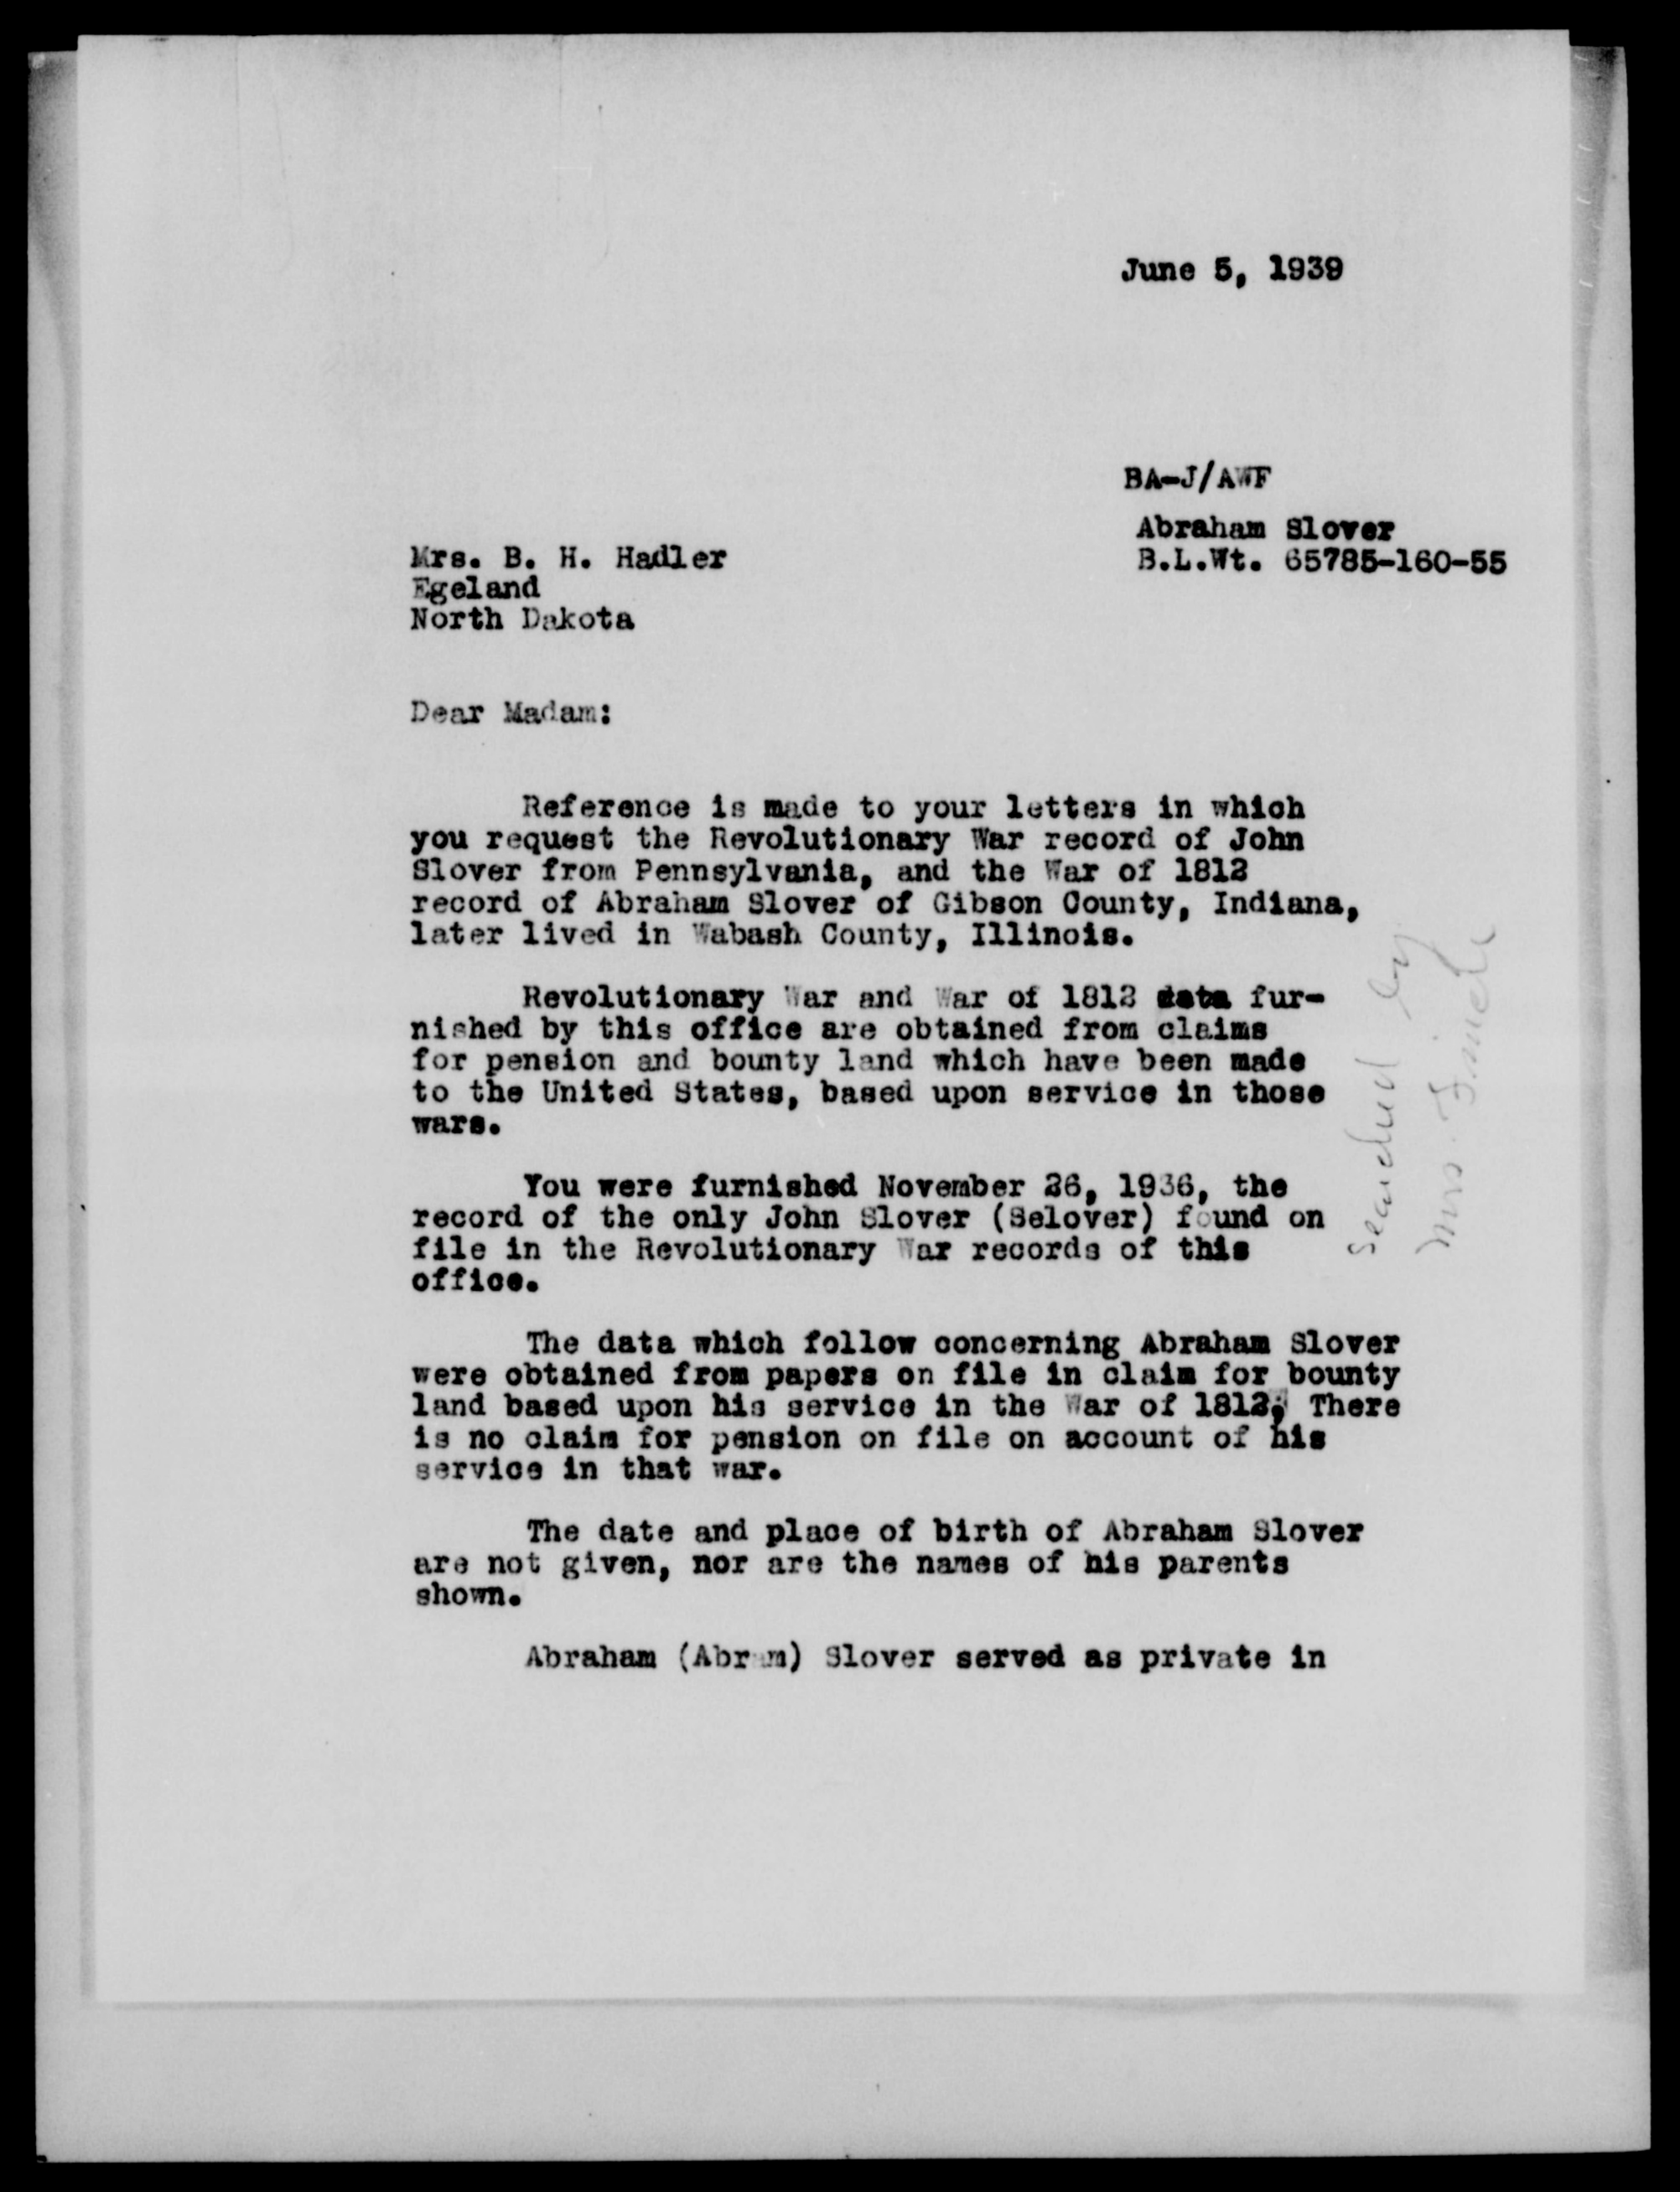June 5, 1939

BA-J/AWF
Abraham Slover
B.L.Wt. 65785-160-55

Mrs. B.H. Hadler
Egeland, North Dakota

Dear Madam:

Reference is made to your letters in which you request the Revolutionary War record of John Slover from Pennsylvania, and the War of 1812 record of Abraham Slover of Gibson County, Indiana, later lived in Wabash County, Illinois.

Revolutionary War and War of 1812 data furnished by this office are obtained from claims for pension and bounty land which have been made to the United States, based upon service in those wars.

You were furnished November 26, 1936, the record of the only John Slover (Selover) found on file in the Revolutionary War records of this office.

The data which follow concerning Abraham Slover land based upon his service in the War of 1812. There is no claim for pension on file on account of his
service in that war.

The date and place of birth of Abraham Slover are not given, nor are the names of his parents shown.

Abraham (Abram) Glover served as private in...

(Searched by Mrs. Finch.)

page: 19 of 46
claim: widow's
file: W. 6205, for John Slover, New Jersey